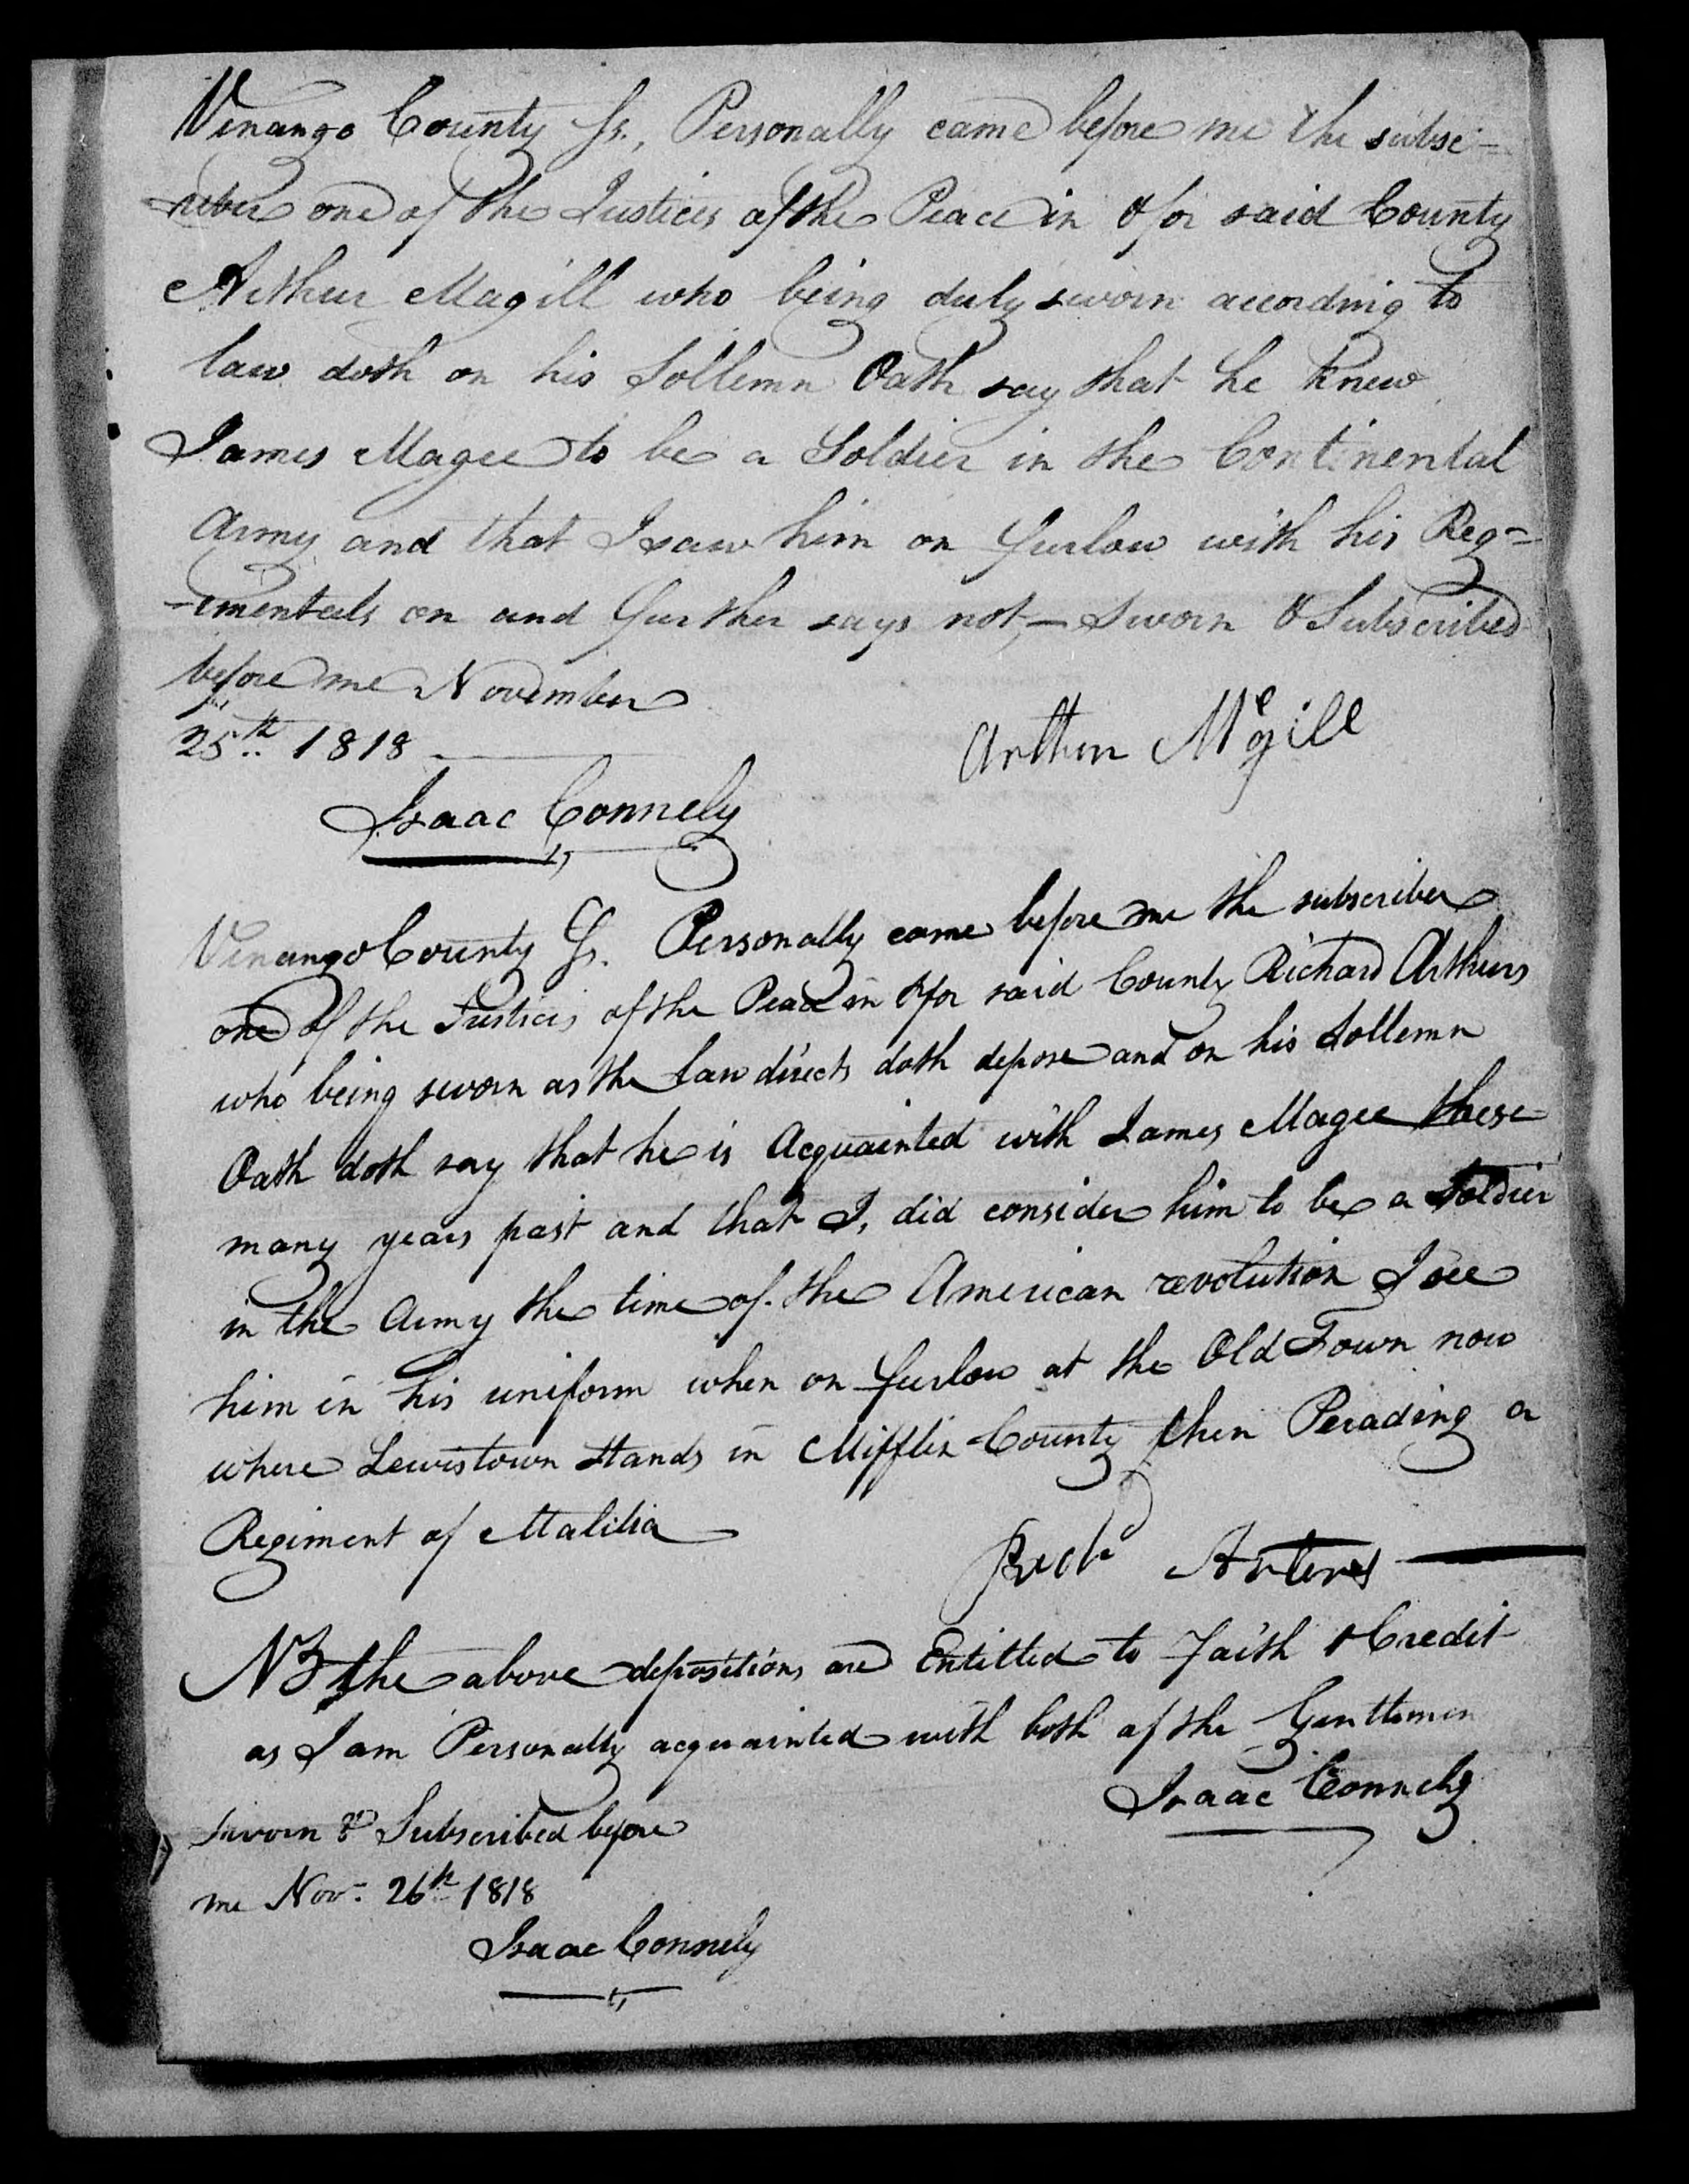Venango County ss,

 Personally came before me the subscriber one of the Justices of the Peace in & for said County
Arthur Magill who being duly sworn according to law doth on his solemn Oath say that he knew James Magee to be a Soldier in the Continental Army and that I saw him on furlow with his  Regimentals on and further says not-- 

Arthur Magill  (his signature)

Sworn & Subscribed
before me November
25tah 1818
Isaac Connely


Venango County ss

. Personally came before me the subscriber
one of the Justices of the Peace in for said County Richard Arthers who being sworn as the law directs doth depose and on his solemn
Oath doth say that he is acquainted with James Magee these  many years past and that I did consider him to be a soldier in the army the time of the American revolution I saw 
him in his uniform when on furlow at the old Town now where Lewistown stands in Mifflin County then Parading on  Regiment of Militia

Rich Arthers (his signature)


Both the  above depositions are entitled to faith & credit as I am personally acquainted with both of the Gentlemen

Isaac Connely

Sworn & Subscribed before
me Nov 26th 1818

Isaac Connnely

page: 52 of 77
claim: widow's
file: W 2954, for James Mc Gee, Delaware